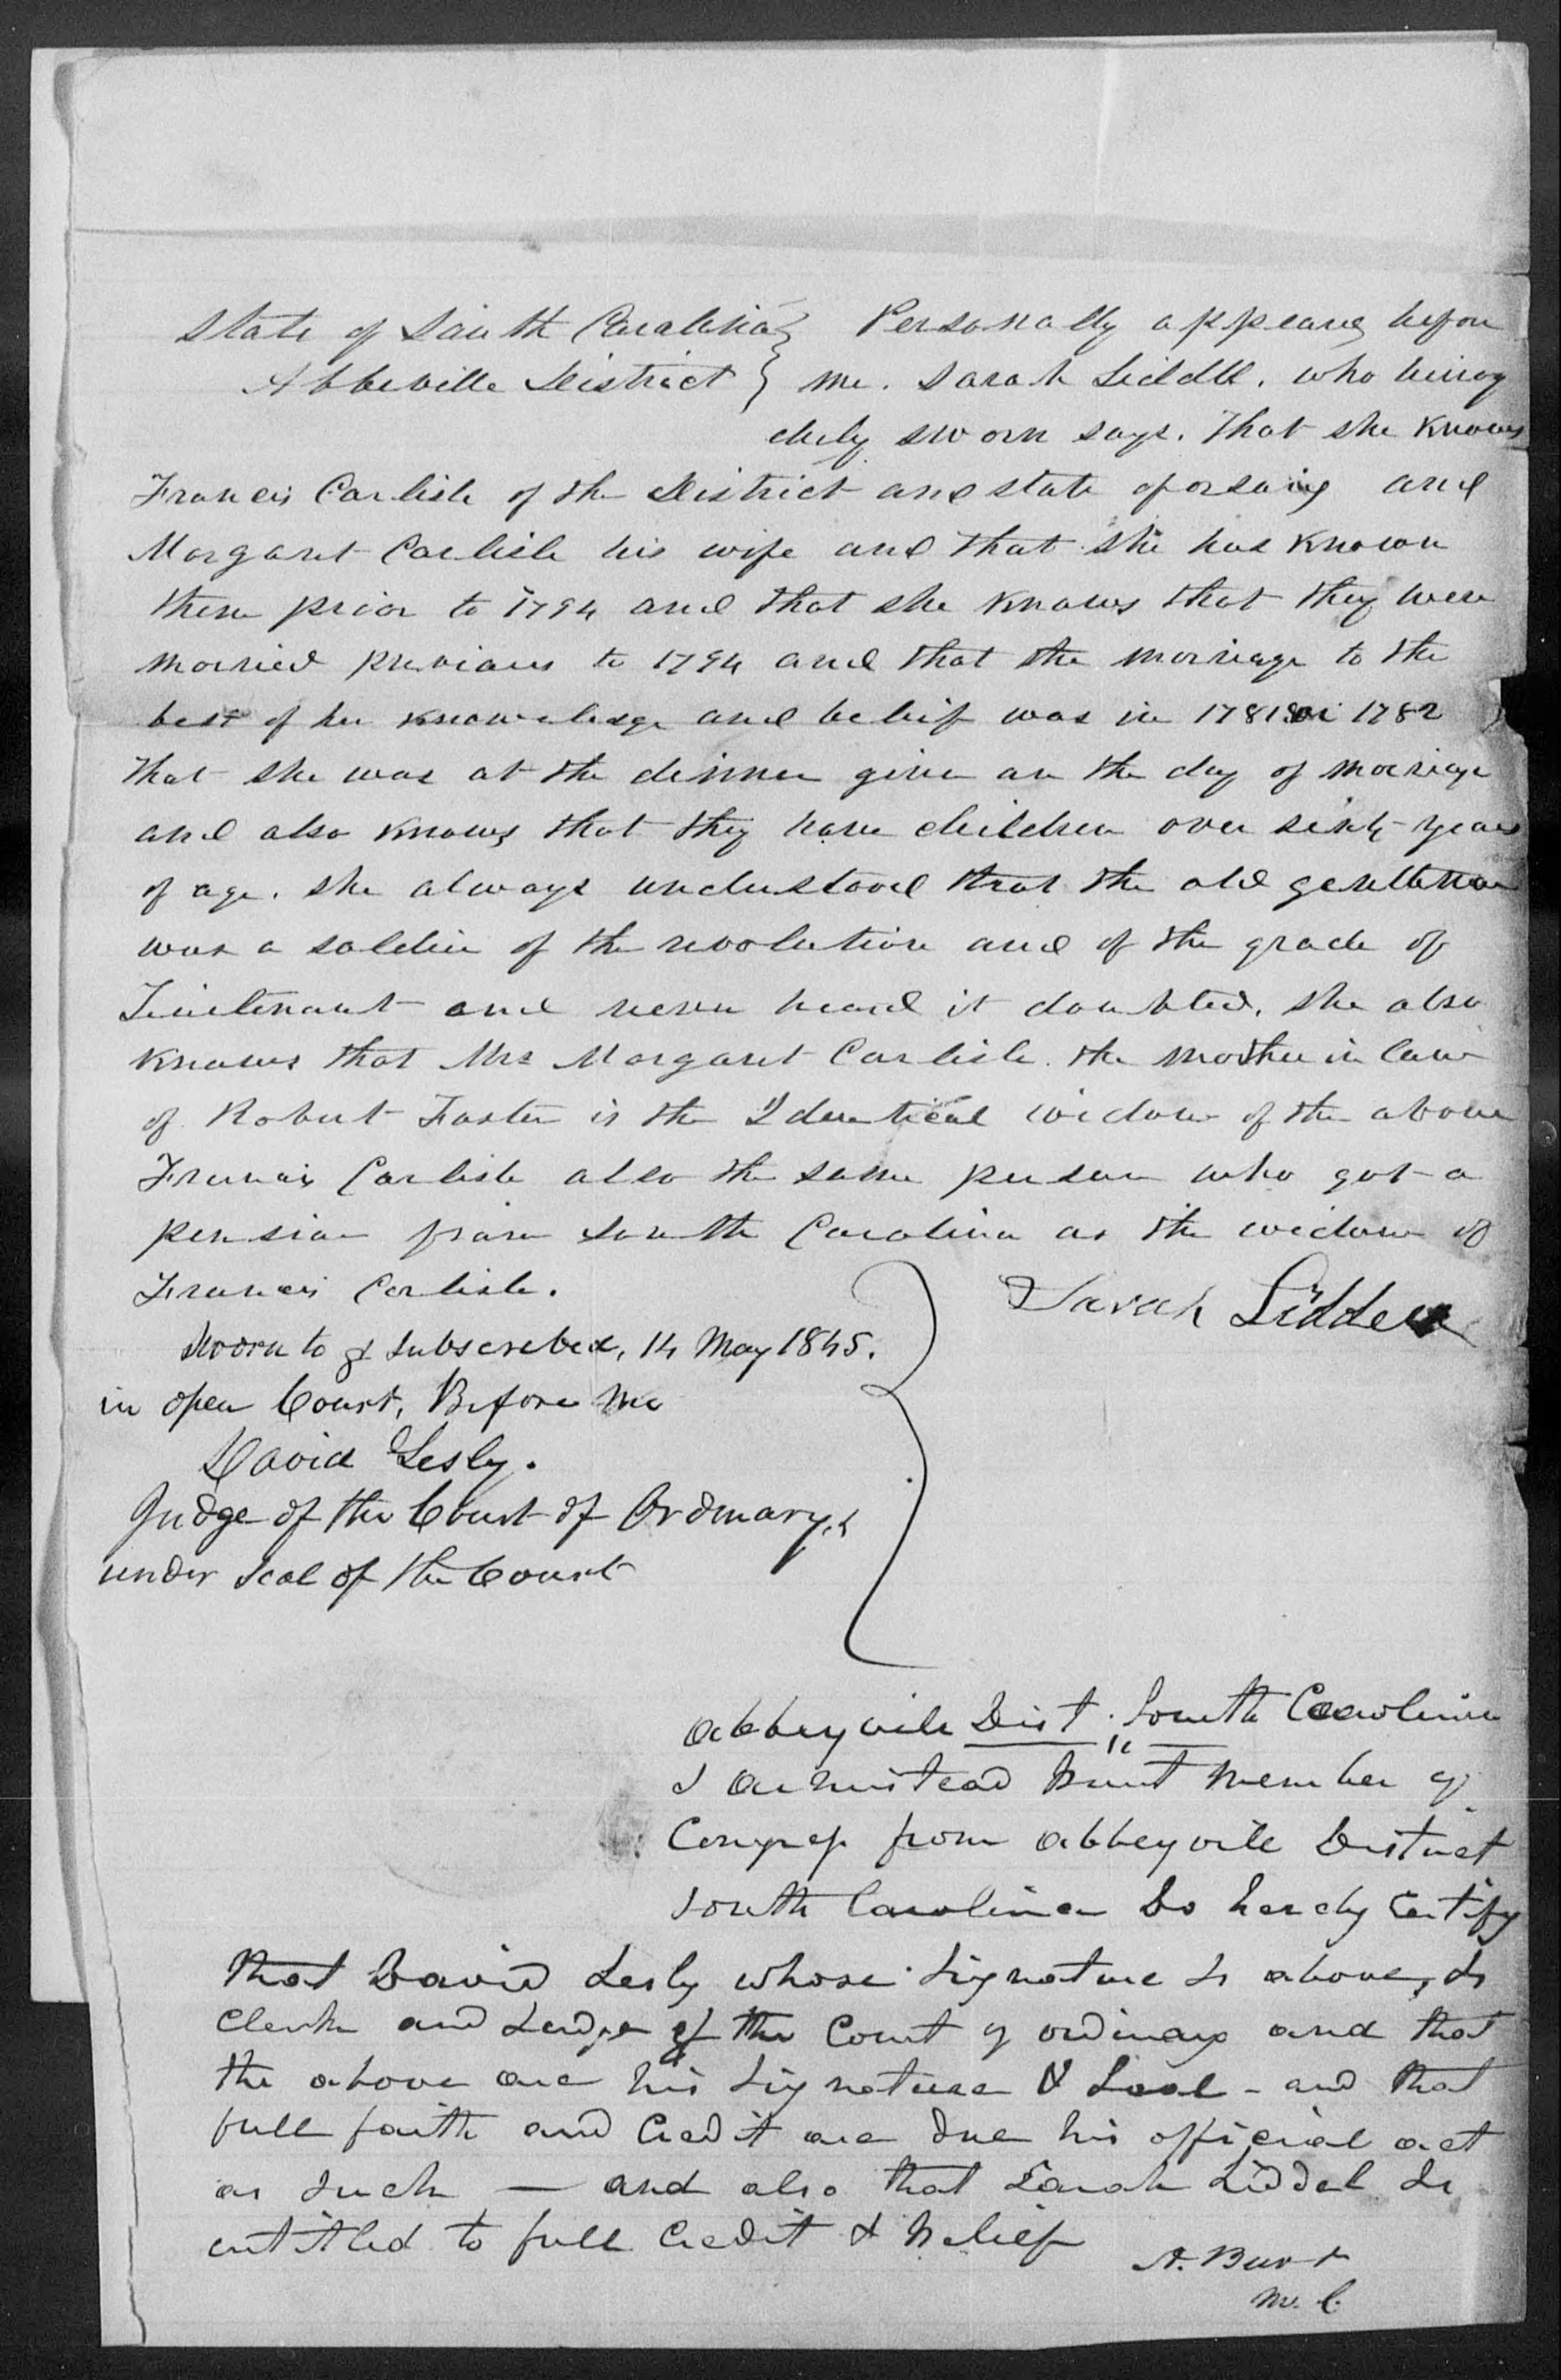State of South Carolina 
Abbeville District  
Personally appeared before me, Sarah Liddell, who hereby duly sworn says. That she knows Francis Carlisle of the District and State aforesaid and Margaret Carlisle his wife and that she has known
them prior to 1794 and that she knows that they were Married previous to 1794 and that the marriage to the best of her knowledge and belief was in 1781 or 1782. That she was at the dinner given on the day of Marriage and also knows that they have children over sixty years of age, she always understood that the old gentleman was a soldier of the revolution and of the grade of
Lieutenant and never heard it doubted, she also knows that Mrs. Margaret Carlisle the Mother in law of Robert Foster is the Identical widow of the above Francis Carlisle also the same person who got a pension from South Carolina as the widow of Francis Carlisle
[signed] Sarah Liddell
Sworn to of subscribed, 14 May 1845. in open Court, Before me
David Lesly
Judge of the Court of Ordinary under Seal of the Court

Abbeville Dist. South Carolina
I Armstead Burt member of Congress from Abbeville District South Carolina do hereby certify that David Lesly whose signature is above & Clerk and Judge of the Court of ordinary and that the
above are his signature & seal, and that full faith and credit are due his official act as such - and also that Sarah Liddell is entitled to full credit & belief
A. Burt M. C.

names: A Burt, Francis Carlisle, Francis Carlisle, Sarah Liddll, Francis Carlisle, David Lesly, Sarah Liddell, David Lesly, Margaret Carlisle, Sarah Liddel, Robert Foster, Margaret Carlisle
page: 64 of 91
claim: widow's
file: W. 10576, Francis Carlisle, S.C.